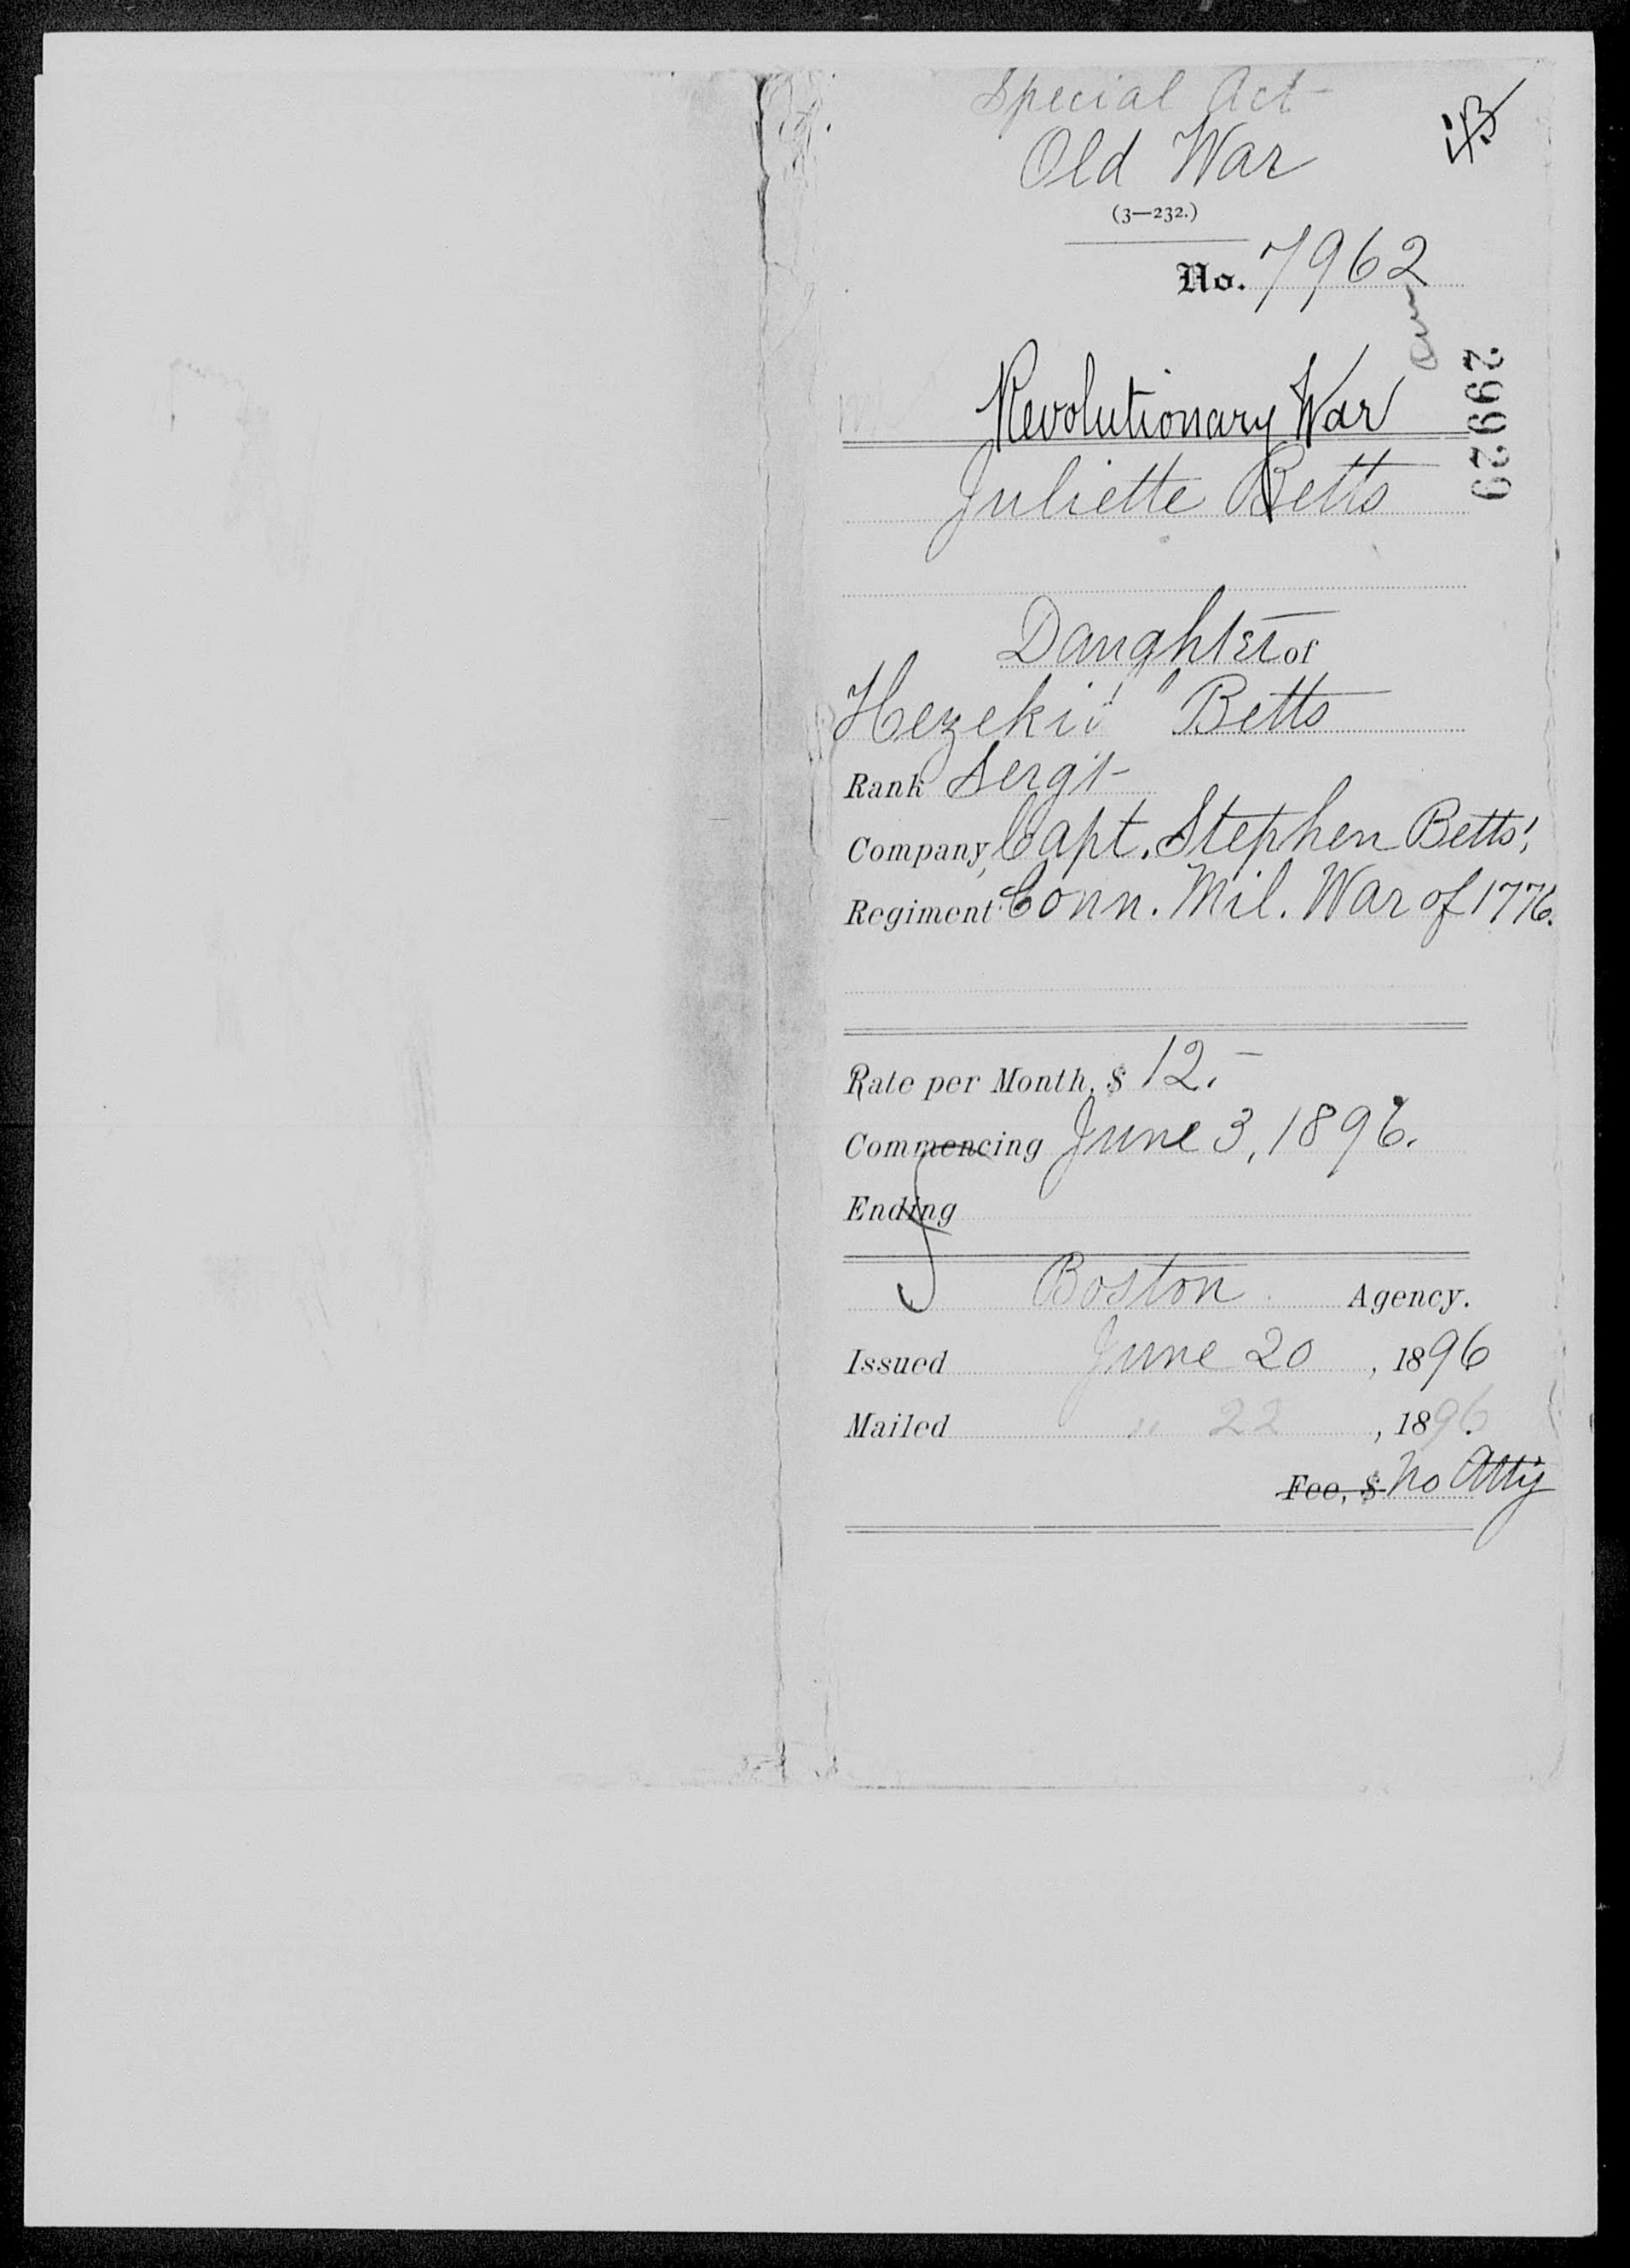Special Act
Old War
(3-232)
No. 7962
Revolutionary War
Juliette Betts
daughter of
Hezekiah Betts
Rank Sergt
Company, Capt Stephen Betts'
Regiment Conn. Mil. War of 1776

Rate per month, $12.-
Commencing June 3, 1896
Ending

Boston Agency
Issued June 20, 1896
Mailed June 22, 1896
No atty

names: Hezekiah Betts, Juliette Betts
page: 18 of 61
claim: widow's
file: W. 29,929, Hezekiah Betts, Conn.